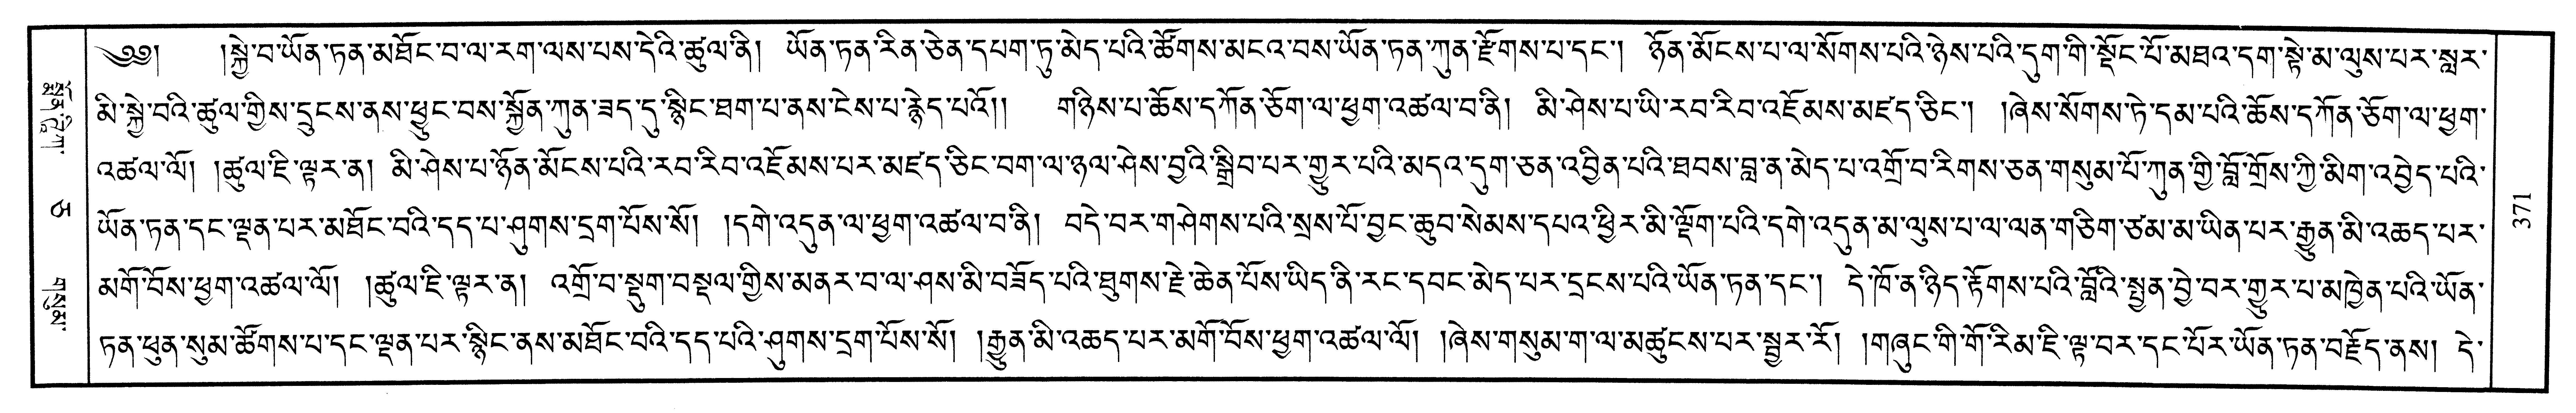༄༅། །སྐྱེ་བ་ཡོན་ཏན་མཐོང་བ་ལ་རག་ལས་པས་དེའི་ཚུལ་ནི། ཡོན་ཏན་རིན་ཅེན་དཔག་ཏུ་མེད་པའི་ཚོགས་མངའ་བས་ཡོན་ཏན་ཀུན་རྫོགས་པ་དང་། ཉོན་མོངས་པ་ལ་སོགས་པའི་ཉེས་པའི་དུག་གི་སྡོང་པོ་མཐའ་དག་སྟེ་མ་ལུས་པར་སླར་
མི་སྐྱེ་བའི་ཚུལ་གྱིས་དྲུངས་ནས་ཕྱུང་བས་སྐྱོན་ཀུན་ཟད་དུ་སྙིང་ཐག་པ་ནས་ངེས་པ་རྙེད་པའོ།། གཉིས་པ་ཆོས་དཀོན་ཅོག་ལ་ཕྱག་འཚལ་བ་ནི། མི་ཤེས་པ་ཡི་རབ་རིབ་འཇོམས་མཛད་ཅིང་། །ཞེས་སོགས་ཏེ་དམ་པའི་ཆོས་དཀོན་ཅོག་ལ་ཕྱག་
འཚལ་ལོ། །ཚུལ་ཇི་ལྟར་ན། མི་ཤེས་པ་ཉོན་མོངས་པའི་རབ་རིབ་འཇོམས་པར་མཛད་ཅིང་བག་ལ་ཉལ་ཤེས་བྱའི་སྒྲིབ་པར་གྱུར་པའི་མདའ་དུག་ཅན་འབྱིན་པའི་ཐབས་བླ་ན་མེད་པ་འགྲོ་བ་རིགས་ཅན་གསུམ་པོ་ཀུན་གྱི་བློ་གྲོས་ཀྱི་མིག་འབྱེད་པའི་
ཡོན་ཏན་དང་ལྡན་པར་མཐོང་བའི་དད་པ་ཤུགས་དྲག་པོས་སོ། །དགེ་འདུན་ལ་ཕྱག་འཚལ་བ་ནི། བདེ་བར་གཤེགས་པའི་སྲས་པོ་བྱང་ཆུབ་སེམས་དཔའ་ཕྱིར་མི་ལྡོག་པའི་དགེ་འདུན་མ་ལུས་པ་ལ་ལན་གཅིག་ཙམ་མ་ཡིན་པར་རྒྱུན་མི་འཆད་པར་
མགོ་བོས་ཕྱག་འཚལ་ལོ། །ཚུལ་ཇི་ལྟར་ན། འགྲོ་བ་སྡུག་བསྔལ་གྱིས་མནར་བ་ལ་ཤས་མི་བཟོད་པའི་ཐུགས་རྗེ་ཆེན་པོས་ཡིད་ནི་རང་དབང་མེད་པར་དྲངས་པའི་ཡོན་ཏན་དང་། དེ་ཁོ་ན་ཉིད་རྟོགས་པའི་བློའི་སྤྱན་བྱེ་བར་གྱུར་པ་མཁྱེན་པའི་ཡོན་
ཏན་ཕུན་སུམ་ཚོགས་པ་དང་ལྡན་པར་སྙིང་ནས་མཐོང་བའི་དད་པའི་ཤུགས་དྲག་པོས་སོ། །རྒྱུན་མི་འཆད་པར་མགོ་བོས་ཕྱག་འཚལ་ལོ། །ཞེས་གསུམ་ག་ལ་མཚུངས་པར་སྦྱར་རོ། །གཞུང་གི་གོ་རིམ་ཇི་ལྟ་བར་དང་པོར་ཡོན་ཏན་བརྗོད་ནས། དེ་